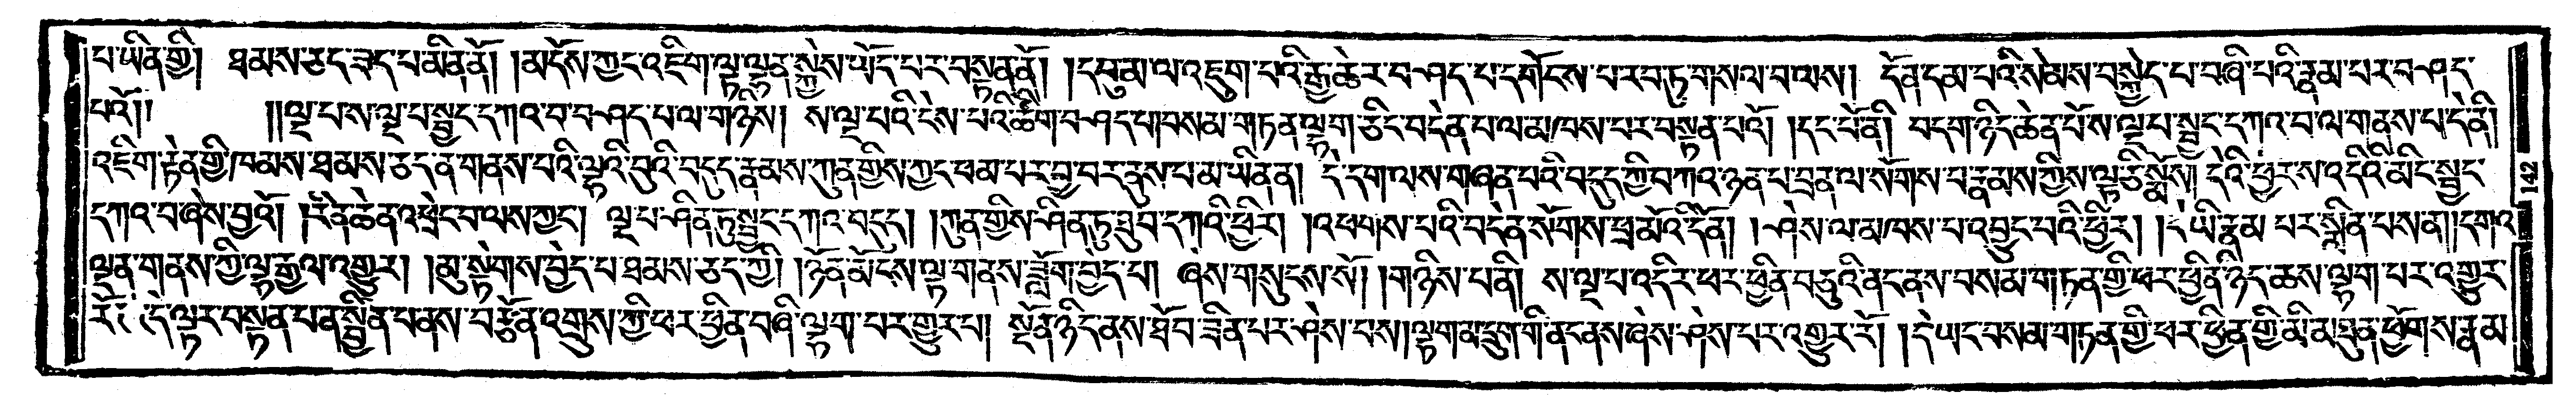པ་ཡིན་གྱི། ཐམས་ཅད་ཟད་པ་མིན་ནོ། །མདོས་ཀྱང་འཇིག་ལྟ་ལྷན་སྐྱེས་ཡོད་པར་བསྟན་ནོ། །དབུ་མ་ལ་འཇུག་པའི་རྒྱ་ཆེར་བཤད་པ་དགོངས་པ་རབ་ཏུ་གསལ་བ་ལས། དོན་དམ་པའི་སེམས་བསྐྱེད་པ་བཞི་པའི་རྣམ་པར་བཤད་
པའོ།། །།ལྔ་པ་ས་ལྔ་པ་སྦྱང་དཀའ་བ་བཤད་པ་ལ་གཉིས། ས་ལྔ་པའི་ངེས་པའི་ཚིག་བཤད་པ། བསམ་གཏན་ལྷག་ཅིང་བདེན་པ་ལ་མཁས་པར་བསྟན་པའོ། །དང་པོ་ནི། བདག་ཉིད་ཆེན་པོ་ས་ལྔ་པ་སྦྱང་དཀའ་བ་ལ་གནས་པ་དེ་ནི།
འཇིག་རྟེན་གྱི་ཁམས་ཐམས་ཅད་ན་གནས་པའི་ལྷའི་བུའི་བདུད་རྣམས་ཀུན་གྱིས་ཀྱང་ཕམ་པར་བྱ་བར་ནུས་པ་མ་ཡིན་ན། དེ་དག་ལས་གཞན་པའི་བདུད་ཀྱི་བཀའ་ཉན་པ་བྲན་ལ་སོགས་པ་རྣམས་ཀྱིས་ལྟ་ཅི་སྨོས། དེ་ཡི་ཕྱིར་ས་འདིའི་མིང་སྦྱང་
དཀའ་བ་ཞེས་བྱའོ། །རིན་ཆེན་འཕྲེང་བ་ལས་ཀྱང་། ལྔ་པ་ཤིན་ཏུ་སྦྱང་དཀའ་བདུད། །ཀུན་གྱིས་ཤིན་ཏུ་ཐུབ་དཀའི་ཕྱིར། །འཕགས་པའི་བདེན་སོགས་ཕྲ་མོའི་དོན། །ཤེས་ལ་མཁས་པ་འབྱུང་བའི་ཕྱིར། །དེ་ཡི་རྣམ་པར་སྨིན་པས་ན། །དགའ་
ལྡན་གནས་ཀྱི་ལྷ་རྒྱལ་འགྱུར། །མུ་སྟེགས་བྱེད་པ་ཐམས་ཅད་ཀྱི། །ཉོན་མོངས་ལྟ་གནས་ཟློག་བྱེད་པ། ཞེས་གསུངས་སོ། །གཉིས་པ་ནི། ས་ལྔ་པ་འདིར་ཕར་ཕྱིན་བཅུའི་ནང་ནས་བསམ་གཏན་གྱི་ཕར་ཕྱིན་ཉིད་ཆེས་ལྷག་པར་འགྱུར་
རོ༑ ༑དེ་ལྟར་བསྟན་པ་ན་སྦྱིན་པ་ནས་བརྩོན་འགྲུས་ཀྱི་ཕར་ཕྱིན་བཞི་ལྷག་པར་འགྱུར་བ། སྔོན་ཉིད་ནས་ཐོབ་ཟིན་པར་ཤེས་པས། ལྷག་མ་དྲུག་གི་ནང་ནས་ཞེས་ཤེས་པར་འགྱུར་རོ། །དེ་ཡང་བསམ་གཏན་གྱི་ཕར་ཕྱིན་གྱི་མི་མཐུན་ཕྱོགས་རྣམ་